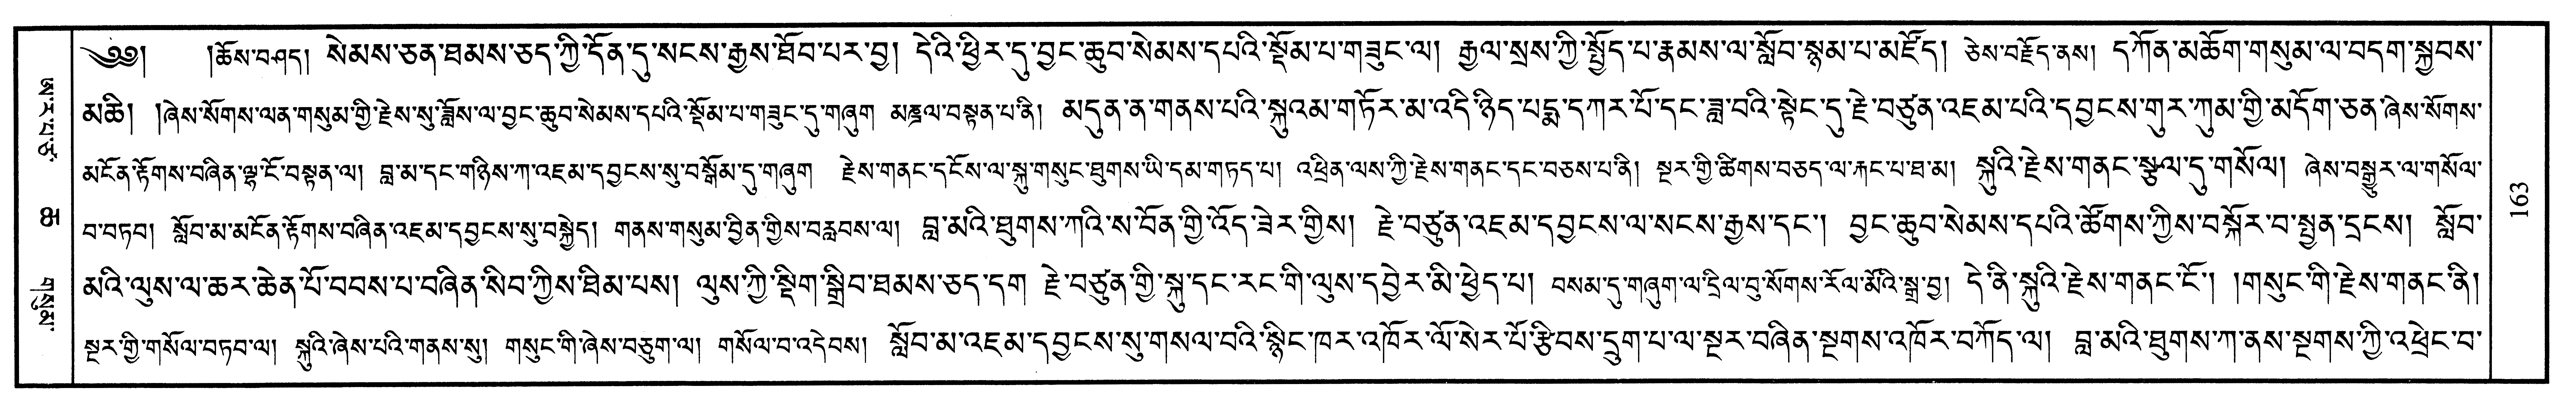༄༅། །ཆོས་བཤད། སེམས་ཅན་ཐམས་ཅད་ཀྱི་དོན་དུ་སངས་རྒྱས་ཐོབ་པར་བྱ། དེའི་ཕྱིར་དུ་བྱང་ཆུབ་སེམས་དཔའི་སྡོམ་པ་གཟུང་ལ། རྒྱལ་སྲས་ཀྱི་སྤྱོད་པ་རྣམས་ལ་སློབ་སྙམ་པ་མཛོད། ཅེས་བརྗོད་ནས། དཀོན་མཆོག་གསུམ་ལ་བདག་སྐྱབས་
མཆི། །ཞེས་སོགས་ལན་གསུམ་གྱི་རྗེས་སུ་ཟློས་ལ་བྱང་ཆུབ་སེམས་དཔའི་སྡོམ་པ་གཟུང་དུ་གཞུག་མཎྜལ་བསྟན་པ་ནི། མདུན་ན་གནས་པའི་སྐུའམ་གཏོར་མ་འདི་ཉིད་པདམ་དཀར་པོ་དང་ཟླ་བའི་སྟེང་དུ་རྗེ་བཙུན་འཇམ་པའི་དབྱངས་གུར་ཀུམ་གྱི་མདོག་ཅན་ཞེས་སོགས་
བ་བཏབ། སློབ་མ་མངོན་རྟོགས་བཞིན་འཇམ་དབྱངས་སུ་བསྐྱེད། གནས་གསུམ་བྱིན་གྱིས་བརླབས་ལ། བླ་མའི་ཐུགས་ཀའི་ས་བོན་གྱི་འོད་ཟེར་གྱིས། རྗེ་བཙུན་འཇམ་དབྱངས་ལ་སངས་རྒྱས་དང་། བྱང་ཆུབ་སེམས་དཔའི་ཚོགས་ཀྱིས་བསྐོར་བ་སྤྱན་དྲངས། སློབ་
མའི་ལུས་ལ་ཆར་ཆེན་པོ་བབས་པ་བཞིན་སིབ་ཀྱིས་ཐིམ་པས། ལུས་ཀྱི་སྡིག་སྒྲིབ་ཐམས་ཅད་དག །རྗེ་བཙུན་གྱི་སྐུ་དང་རང་གི་ལུས་དབྱེར་མི་ཕྱེད་པ། བསམ་དུ་གཞུག་ལ་དྲིལ་བུ་སོགས་རོལ་མོའི་སྒྲ་བྱ། དེ་ནི་སྐུའི་རྗེས་གནང་ངོ། །གསུང་གི་རྗེས་གནང་ནི།
སྔར་གྱི་གསོལ་བཏབ་ལ། སྐུའི་ཞེས་པའི་གནས་སུ། གསུང་གི་ཞེས་བཅུག་ལ། གསོལ་བ་འདེབས། སློབ་མ་འཇམ་དབྱངས་སུ་གསལ་བའི་སྙིང་ཁར་འཁོར་ལོ་སེར་པོ་རྩིབས་དྲུག་པ་ལ་སྔར་བཞིན་སྔགས་འཁོར་བཀོད་ལ། བླ་མའི་ཐུགས་ཀ་ནས་སྔགས་ཀྱི་འཕྲེང་བ་